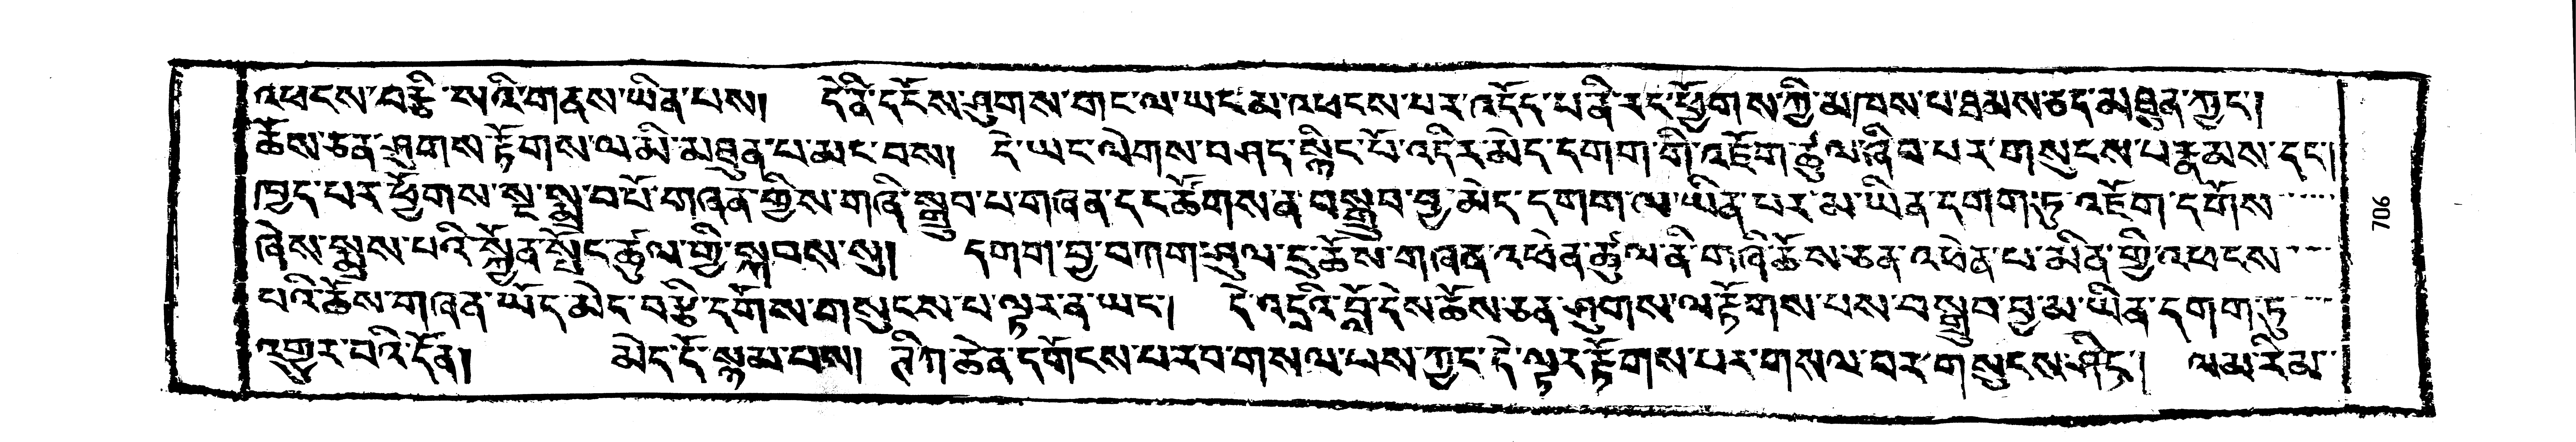འཕངས་བརྩི་སའི་གནས་ཡིན་པས། དེ་ནི་དངོས་ཤུགས་གང་ལ་ཡང་མ་འཕངས་པར་འདོད་པ་ནི་རང་ཕྱོགས་ཀྱི་མཁས་པ་ཐམས་ཅད་མཐུན་ཀྱང་
ཆོས་ཅན་ཤུགས་རྟོགས་ལ་མི་མཐུན་པ་མང་བས། དེ་ཡང་ལེགས་བཤད་སྙིང་པོ་འདིར་མེད་དགག་གི་འཇོག་ཚུལ་ཞིབ་པར་གསུངས་པ་རྣམས་དང་།
ཁྱད་པར་ཕྱོགས་སྔ་སྨྲ་བ་པོ་གཞན་གྱིས་གཞི་སྒྲུབ་པ་གཞན་དང་ཚོགས་ན་བསྒྲུབ་བྱ་མེད་དགག་ལ་ཡིན་པར་མ་ཡིན་དགག་ཏུ་འཇོག་དགོས་
ཞེས་སྨྲས་པའི་སྐྱོན་སྤོང་ཚུལ་གྱི་སྐབས་སུ། དགག་བྱ་བཀག་ཤུལ་དུ་ཆོས་གཞན་འཕེན་ཚུལ་ནི་གཞི་ཆོས་ཅན་འཕེན་པ་མིན་གྱི་འཕངས་
པའི་ཆོས་གཞན་ཡོད་མེད་བརྩི་དགོས་གསུངས་པ་ལྟར་ན་ཡང་། དེ་འདྲའི་བློ་དེས་ཆོས་ཅན་ཤུགས་ལ་རྟོགས་པས་བསྒྲུབ་བྱ་མ་ཡིན་དགག་ཏུ་
འགྱུར་བའི་དོན། མེད་དོ་སྙམ་པས། ཊཱིཀ་ཆེན་དགོངས་པ་རབ་གསལ་པས་ཀྱང་དེ་ལྟར་རྟོགས་པར་གསལ་བར་གསུངས་ཤིང་། ལམ་རིམ་